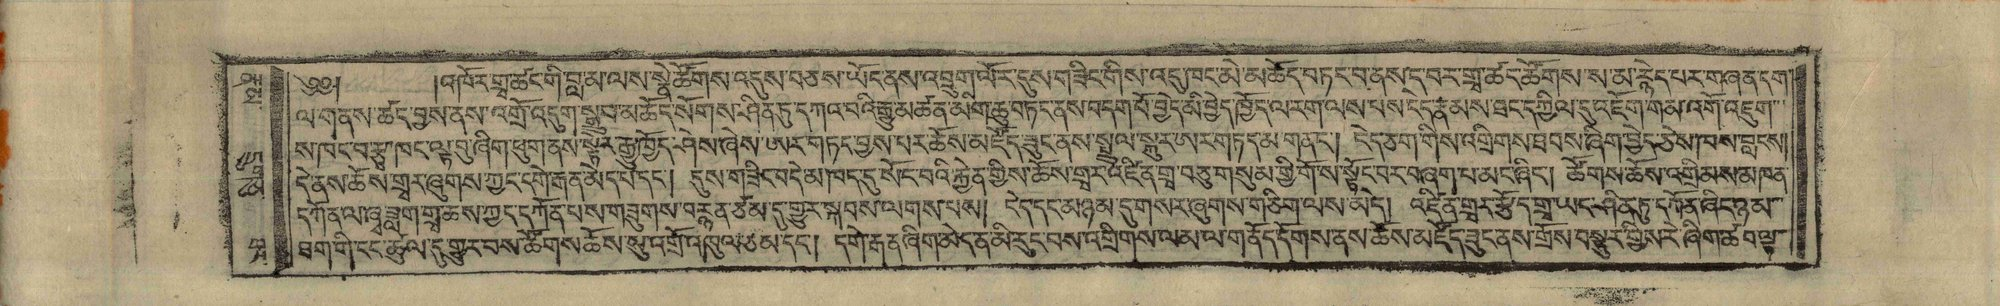༄༅། །འཁོར་གྲྭ་ཚང་གི་བླ་མ་ལས་སྣེ་ཚོགས་འདུས་བཅས་ཡོང་ནས་འབྲུག་ལོར་དུས་གཟིང་གིས་འདུ་ཁང་མེ་མཆོད་བཏང་བ་ནས་ད་བར་གྲྭ་ཚང་ཚོགས་ས་མ་རྙེད་པར་གཞན་དག་
ལ་གནས་ཚང་བྱས་ནས་འགྲོ་འདུག་སྒྲུབ་མཆོད་སོགས་ཤིན་ཏུ་དཀའ་བའི་རྒྱུ་མཚན་མིག་ཆུ་བཏང་ནས་བདག་པོ་བྱེད་མི་བྱེད་ཁྱོད་ལ་རག་ལས་པས་ངེད་རྣམས་ཐང་དཀྱིལ་དུ་འཇོག་གམ་འགོ་འཇུག་
ས་ཁང་བ་རྩྭ་ཁང་ལྟ་བུ་ཞིག་ཕུག་ནས་སྟེར་རྒྱུ་ཁྱོད་ཤེས་ཞེས་ཨར་གཏང་བྱས་པར་ཆོས་མཛོད་ཟུང་སྤྲུལ་སྐུར་ཨར་གཏད་མ་གནང་། ངེད་ཅག་གིས་འགྲིགས་ཐབས་ཞིག་བྱེད་ཅེས་ཁས་བླངས།
དེ་ནས་ཆོས་གྲྭར་ཞུགས་ཀྱང་དགེ་རྒན་མེད་པ་དང་། དུས་གཟིང་བདེ་མ་ཁད་དུ་སོང་བའི་རྐྱེན་གྱིས་ཆོས་གྲྭར་འཛིན་གྲྭ་བཅུ་གསུམ་གྱི་གོ་ས་སྟོང་བར་བཞག་པ་མང་ཞིང་། ཚོགས་ཆོས་འགྲིམས་མཁན་
དཀོན་ལ་ཞྭ་ཟླག་གྲྭ་ཆས་ཀྱང་དཀོན་པས་གཟུགས་བརྙན་ཙམ་དུ་གྱུར་སྐབས་ལགས་པས། ངེད་དང་མཉམ་དུ་གསར་ཞུགས་གཅིག་ལས་མེད། འཛིན་གྲྭར་རྩོད་གྲྭ་ཡང་ཤིན་ཏུ་དཀོན་ཞིང་ཉམ་
ཐག་གི་ངང་ཚུལ་དུ་གྱུར་བས་ཚོགས་ཆོས་སུ་འགྲོ་འཁུལ་ཙམ་དང་། དགེ་རྒན་ཞིག་མེད་ན་མི་རུང་བས་འགྲིགས་ལམ་ལ་གནོད་དོགས་ནས་ཆོས་མཛོད་ཟུང་ནས་གྲོས་བསྟུར་གྱིས་རེ་ཞིག་ཚབ་ལྟ་